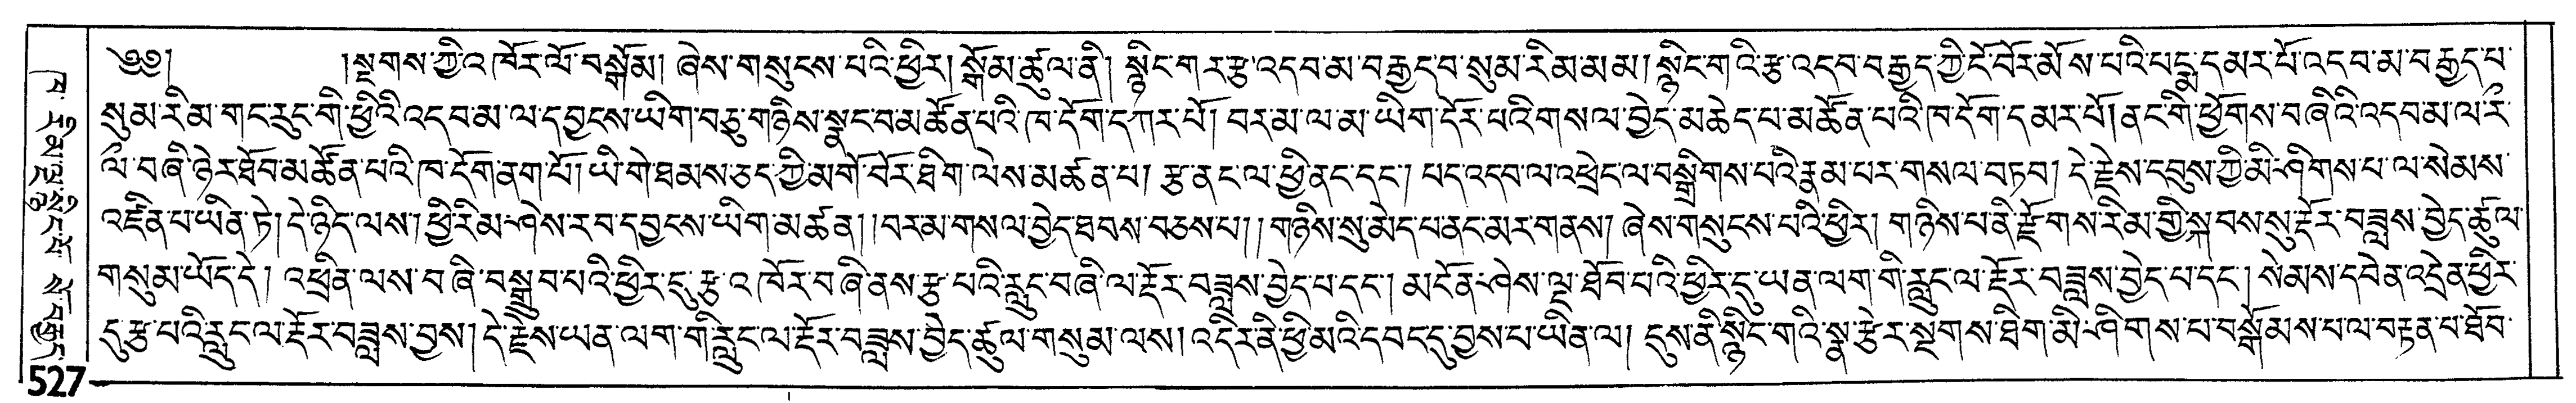༄༅། །སྔགས་ཀྱི་འཁོར་ལོ་བསྒོམ། ཞེས་གསུངས་པའི་ཕྱིར། སྒོམ་ཚུལ་ནི། སྙིང་གར་རྩ་འདབ་མ་བརྒྱད་བ་སུམ་རིམ་མམ། སྙིང་གའི་རྩ་འདབ་བརྒྱད་ཀྱི་ངོ་བོར་མོས་པའི་པདམ་དམར་པོ་འདབ་མ་བརྒྱད་པ་
སུམ་རིམ་གང་རུང་གི་ཕྱིའི་འདབ་མ་ལ་དབྱངས་ཡིག་བཅུ་གཉིས་སྣང་བ་མཚོན་པའི་ཁ་དོག་དཀར་པོ། བར་མ་ལ་མ་ཡིག་དོར་བའི་གསལ་བྱེད་མཆེད་པ་མཚོན་པའི་ཁ་དོག་དམར་པོ། ནང་གི་ཕྱོགས་བཞིའི་འདབ་མ་ལ་རྀ་
ལྀ་བཞི་ཉེར་ཐོབ་མཚོན་པའི་ཁ་དོག་ནག་པོ། ཡི་གེ་ཐམས་ཅད་ཀྱི་མགོ་བོར་ཐིག་ལེས་མཚན་པ། རྩ་ནང་ལ་ཕྱི་ནང་དང་། པད་འདབ་ལ་འཕྲེང་ལ་བསྒྲིགས་པའི་རྣམ་པར་གསལ་བཏབ། དེ་རྗེས་དབུས་ཀྱི་མི་ཤིགས་པ་ལ་སེམས་
འཛིན་པ་ཡིན་ཏེ། དེ་ཉིད་ལས། ཕྱི་རིམ་ཤེས་རབ་དབྱངས་ཡིག་མཚན། །བར་མ་གསལ་བྱེད་ཐབས་བཅས་པ། །གཉིས་སུ་མེད་པ་ནང་མར་གནས། ཞེས་གསུངས་པའི་ཕྱིར། གཉིས་པ་ནི་རྫོགས་རིམ་གྱི་སྐབས་སུ་རྡོར་བཟླས་བྱེད་ཚུལ་
གསུམ་ཡོད་དེ། འཕྲིན་ལས་བཞི་བསྒྲུབ་པའི་ཕྱིར་དུ་རྩ་འཁོར་བཞི་ནས་རྩ་བའི་རླུང་བཞི་ལ་རྡོར་བཟླས་བྱེད་པ་དང་། མངོན་ཤེས་ལྔ་ཐོབ་པའི་ཕྱིར་དུ་ཡན་ལག་གི་རླུང་ལ་རྡོར་བཟླས་བྱེད་པ་དང་། སེམས་དབེན་འདྲེན་ཕྱིར་
དུ་རྩ་བའི་རླུང་ལ་རྡོར་བཟླས་བྱས། དེ་རྗེས་ཡན་ལག་གི་རླུང་ལ་རྡོར་བཟླས་བྱེད་ཚུལ་གསུམ་ལས། འདིར་ནི་ཕྱི་མའི་དབང་དུ་བྱས་པ་ཡིན་ལ། དུས་ནི་སྙིང་གའི་སྣ་རྩེར་སྔགས་ཐིག་མི་ཤིགས་པ་བསྒོམས་པ་ལ་བརྟན་པ་ཐོབ་